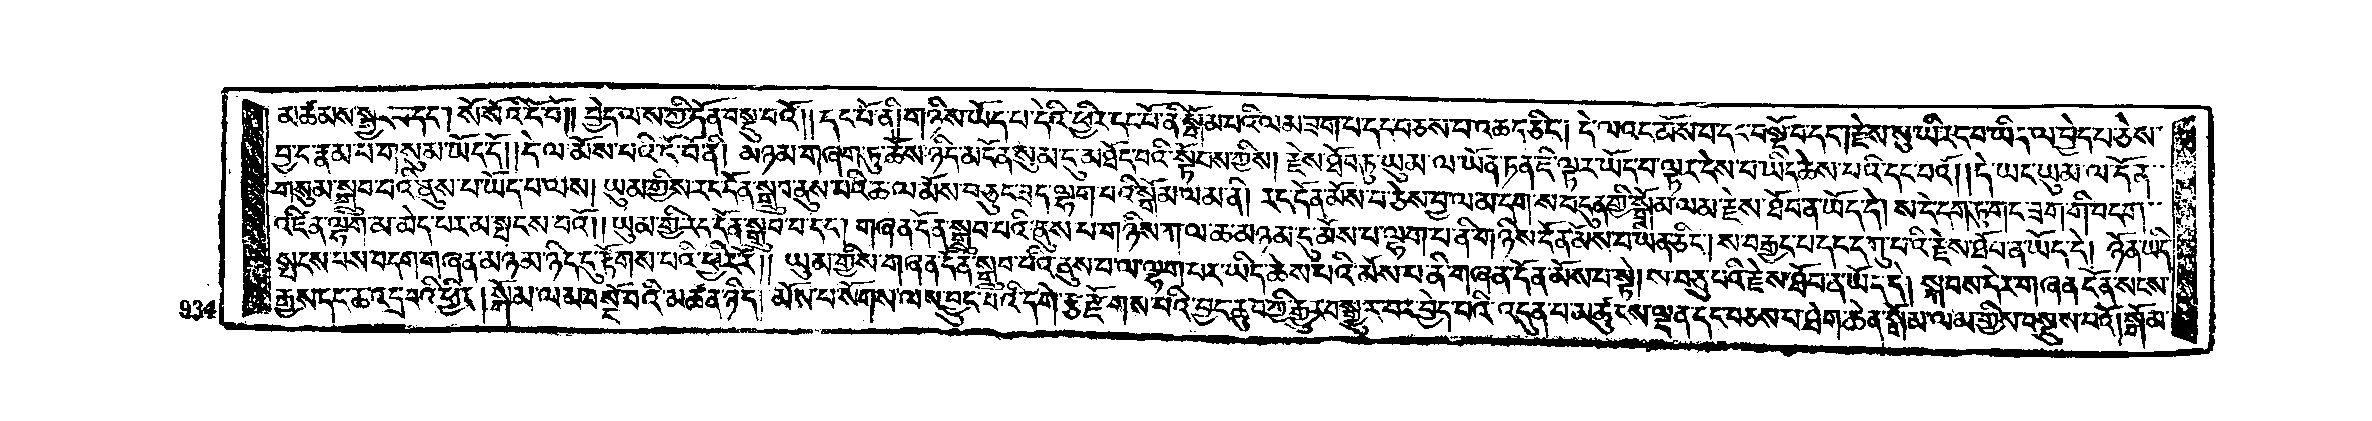མཚམས་སྦྱར་བ་དང་། སོ་སོའི་ངོ་བོ། །བྱེད་ལས་ཀྱི་དོན་བསྡུ་བའོ། །དང་པོ་ནི། གཉིས་ཡོད་པ་དེའི་ཕྱིར་དང་པོ་ནི་སྒོམ་པའི་ལམ་ཟག་པ་དང་བཅས་པ་འཆད་ཅིང་། དེ་ལའང་མོས་པ་དང་བསྔོ་བ་དང་། རྗེས་སུ་ཡི་རང་བ་ཡིད་ལ་བྱེད་པ་ཅེས་
བྱ་བ་རྣམ་པ་གསུམ་ཡོད་དོ། །དེ་ལ་མོས་པའི་ངོ་བོ་ནི། མཉམ་གཞག་ཏུ་ཆོས་ཉིད་མངོན་སུམ་དུ་མཐོང་བའི་སྟོབས་ཀྱིས། རྗེས་ཐོབ་ཏུ་ཡུམ་ལ་ཡོན་ཏན་ཇི་ལྟར་ཡོད་པ་ལྟར་ངེས་པ་ཡིད་ཆེས་པའི་དང་པོའོ། །དེ་ཡང་ཡུམ་ལ་དོན་
གསུམ་སྒྲུབ་པའི་ནུས་པ་ཡོད་པ་ལས། ཡུམ་གྱིས་རང་དོན་སྒྲུབ་ནུས་པའི་ཆ་ལ་མོས་བཅུང་ཟད་ལྷག་པའི་སྒོམ་ལམ་ནི། རང་དོན་མོས་པ་ཅེས་བྱ་ལ་མ་དག་ས་བདུན་གྱི་སྒོམ་ལམ་རྗེས་ཐོབ་ན་ཡོད་དེ། ས་དེ་དག་ཏུ་གང་ཟག་གི་བདག་
འཛིན་ལྷག་མ་མེད་པར་མ་སྤངས་པའོ། །ཡུམ་གྱི་རང་དོན་སྒྲུབ་པ་དང་། གཞན་དོན་སྒྲུབ་པའི་ནུས་པ་གཉིས་ཀ་ལ་ཆ་མཉམ་དུ་མོས་པ་ལྷག་པ་ནི་གཉིས་དོན་མོས་པ་ཡིན་ཅིང་། ས་བརྒྱད་པ་དང་དགུ་པའི་རྗེས་ཐོབ་ན་ཡོད་དེ། ཉོན་ཡིད་
སྤངས་པས་བདག་གཞན་མཉམ་ཉིད་དུ་རྟོགས་པའི་ཕྱིར་རོ། །ཡུམ་གྱིས་གཞན་དོན་སྒྲུབ་པའི་ནུས་པ་ལ་ལྷག་པར་ཡིད་ཆེས་པའི་མོས་པ་ནི་གཞན་དོན་མོས་པ་སྟེ། ས་བཅུ་པའི་རྗེས་ཐོབ་ན་ཡོད་དེ། སྐབས་དེར་གཞན་དོན་སངས་
རྒྱས་དང་ཆ་འདྲ་བའི་ཕྱིར། སྒོམ་ལམ་བསྔོ་བའི་མཚན་ཉིད། མོས་པ་སོགས་ལས་བྱུང་བའི་དགེ་རྩ་རྫོགས་པའི་བྱང་ཆུབ་ཀྱི་རྒྱུར་བསྒྱུར་བར་བྱེད་པའི་འདུན་པ་མཚུངས་ལྡན་དང་བཅས་པ་ཐེག་ཆེན་སྒོམ་ལམ་གྱིས་བསྡུས་པའོ། །སྒོམ་